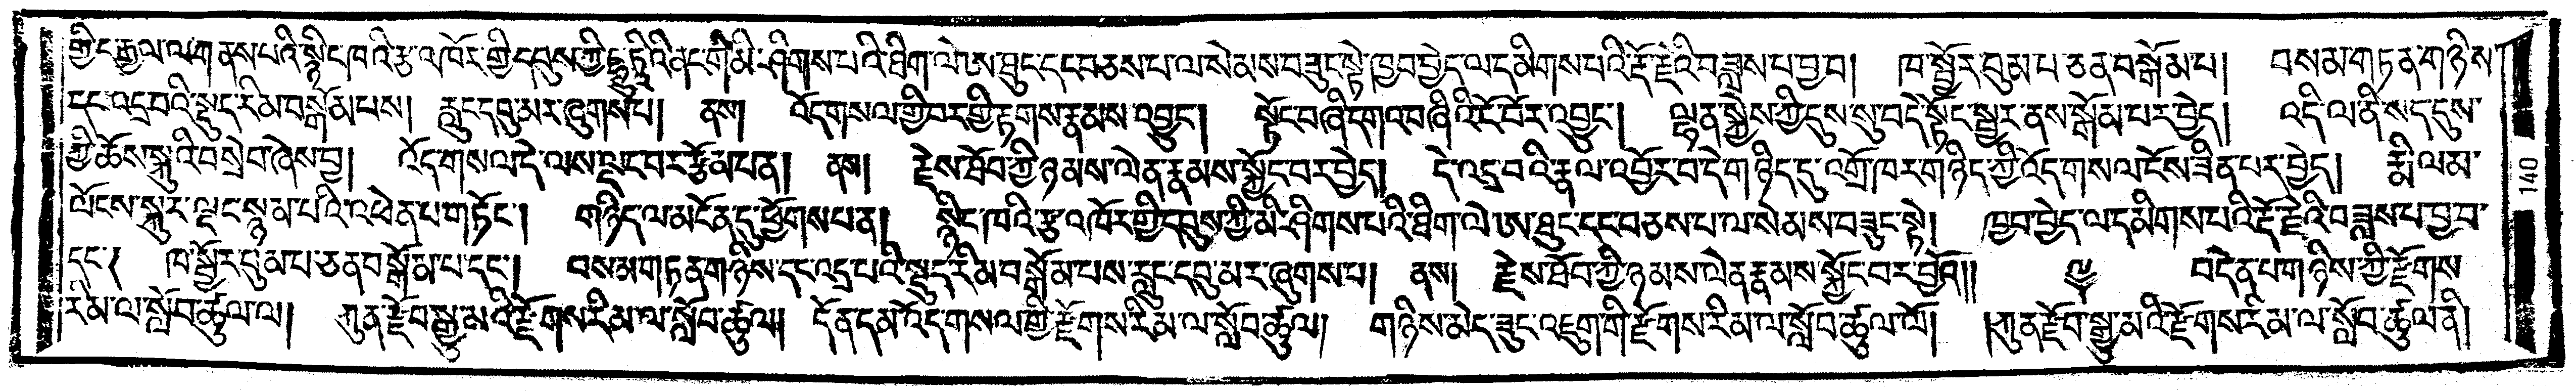གྱི་ང་རྒྱལ་ལ་གནས་པའི་སྙིང་ཁའི་རྩ་འཁོར་གྱི་དབུས་ཀྱི་དྷཱུ་ཏཱིའི་ནང་གི་མི་ཤིགས་པའི་ཐིག་ལེ་ཨ་ཐུང་དང་བཅས་པ་ལ་སེམས་བཟུང་སྟེ་ཁྱབ་བྱེད་ལ་དམིགས་པའི་རྡོ་རྗེའི་བཟླས་པ་བྱ་བ། ཁ་སྦྱོར་བུམ་པ་ཅན་བསྒོམ་པ། བསམ་གཏན་གཉིས་
དང་འདྲ་བའི་སྡུད་རིམ་བསྒོམ་པས། རླུང་དབུ་མར་ཞུགས་པ། ནས། འོད་གསལ་གྱི་བར་གྱི་རྟགས་རྣམས་འབྱུང་། སྟོང་བཞི་དགའ་བཞིའི་ངོ་བོར་འབྱུང་། ལྷན་སྐྱེས་ཀྱི་དུས་སུ་བདེ་སྟོང་སྦྱར་ནས་སྒོམ་པར་བྱེད། འདི་ལ་ནི་སད་དུས་
ཀྱི་ཆོས་སྐུའི་བསྲེབ་ཞེས་བྱ། འོད་གསལ་དེ་ལས་ལྡང་བར་རྩོམ་པ་ན། ནས། རྗེས་ཐོབ་ཀྱི་ཉམས་ལེན་རྣམས་སྐྱོང་བར་བྱེད། དེ་འདྲ་བའི་རྣལ་འབྱོར་བ་དེ་གཉིད་དུ་འགྲོ་ཁར་གཉིད་ཀྱི་འོད་གསལ་ངོས་ཟིན་པར་བྱེད། རྨི་ལམ་
ལོངས་སྐུར་ལྡང་སྙམ་པའི་འཕེན་པ་གཏོང་། གཉིད་ལ་མངོན་དུ་ཕྱོགས་པ་ན། སྙིང་ཁའི་རྩ་འཁོར་གྱི་དབུས་ཀྱི་མི་ཤིགས་པའི་ཐིག་ལེ་ཨ་ཐུང་དང་བཅས་པ་ལ་སེམས་བཟུང་སྟེ། ཁྱབ་བྱེད་ལ་དམིགས་པའི་རྡོ་རྗེའི་བཟླས་པ་བྱ་བ་
དང༑ ཁ་སྦྱོར་བུམ་པ་ཅན་བསྒོམ་པ་དང་། བསམ་གཏན་གཉིས་དང་འདྲ་པའི་སྡུད་རིམ་བསྒོམ་པས་རླུང་དབུ་མར་ཞུགས་པ། ནས། རྗེས་ཐོབ་ཀྱི་ཉམས་ལེན་རྣམས་སྐྱོང་བར་བྱའོ།། ༈ བདེན་པ་གཉིས་ཀྱི་རྫོགས་
རིམ་ལ་སློབ་ཚུལ་ལ། ཀུན་རྫོབ་སྒྱུ་མའི་རྫོགས་རིམ་ལ་སློབ་ཚུལ། དོན་དམ་འོད་གསལ་གྱི་རྫོགས་རིམ་ལ་སློབ་ཚུལ། གཉིས་མེད་ཟུང་འཇུག་གི་རྫོགས་རིམ་ལ་སློབ་ཚུལ་ལོ། །ཀུན་རྫོབ་སྒྱུ་མའི་རྫོགས་རིམ་ལ་སློབ་ཚུལ་ནི།